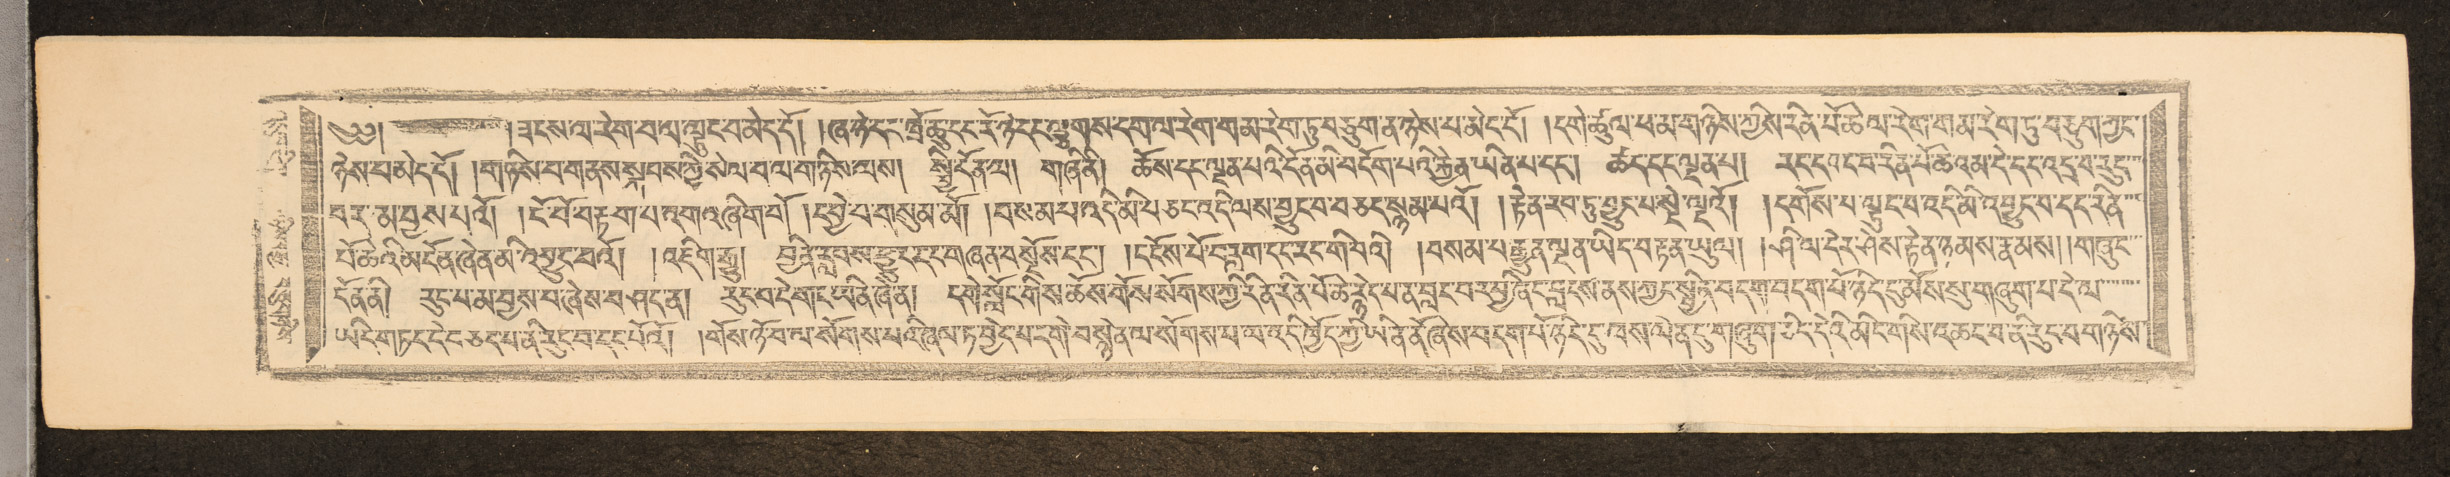༄༅། །ཟངས་ལ་རེག་པ་ལ་ལྟུང་བ་མེད་དོ། །ཞ་ཉེ་དང་ཁྲོ་ཆུ་དང་རོ་ཉེ་དང་ལྕགས་དག་ལ་རེག་གམ་རེག་ཏུ་བཅུག་ན་ཉེས་པ་མེད་དོ། །དགེ་ཚུལ་ཕ་མ་གཉིས་ཀྱིས་རིན་པོ་ཆེ་ལ་རེག་གམ་རེག་ཏུ་བཅུག་ཀྱང་
ཉེས་པ་མེད་དོ། །གཉིས་པ་གནས་སྐབས་ཀྱི་སེལ་བ་ལ་གཉིས་ལས། སྤྱི་དོན་ལ། གཞི་ནི། ཆོས་དང་ལྡན་པའི་དོན་མི་བདོག་པའི་རྐྱེན་ཡིན་པ་དང་། ཚད་དང་ལྡན་པ་རང་དབང་བ་རིན་པོ་ཆེའམ་དེ་དང་འདྲ་བ་རུང་
བར་མ་བྱས་པའོ། །ངོ་བོ་བརྟག་པ་འགའ་ཞིག་གོ །དབྱེ་བ་གསུམ་མོ། །བསམ་པ་འདི་མི་བཅད་འདི་ལས་བྱུང་བ་བཅད་སྙམ་པའོ། །རྟེན་རབ་ཏུ་བྱུང་བ་སྡེ་ལྔའོ། །དགོས་པ་ལྟུང་བ་འདི་མི་འབྱུང་བ་དང་རིན་
པོ་ཆེའི་མངོན་ཞེན་མི་བ་བྱུང་བའོ། །འཇིག་རྒྱུ། བྱིན་རླབས་ཕྱུང་དང་གཞན་བསྔོས་དང་། །དངོས་པོ་བརླག་དང་རང་གི་བའི། །བསམ་པ་རྒྱུན་ལྡན་ཡིད་བརྟན་ཡུལ། །ཤི་ལ་དེར་ཤེས་རྟེན་ཉམས་རྣམས། །གཞུང་
དོན་ནི། རུང་བ་མ་བྱས་པ་ཞེས་བཤད་ན། རུང་བ་དེ་གང་ཡིན་ཞེ་ན། དགེ་སློང་གིས་ཆོས་གོས་སོགས་ཀྱི་རིན་རིན་པོ་ཆེ་རྙེད་པ་ན་བླང་བར་བྱ་ཞང་བླངས་ནས་ཀྱང་སྦྱིན་བདག་བདག་པོ་ཉིད་དུ་མོས་སུ་གཞུག་པ་དེ་ལ་
ཡིད་གཏད་དེ་བཅད་པ་ནི་རུང་བ་དང་པོའོ། །གོས་ཉོ་བ་ལ་སོགས་པའི་ཞལ་ཏ་བྱེད་པ་དགེ་བསྙེན་ལ་སོགས་པ་ལ་འདི་ཁྱོད་ཀྱི་ཡིན་ནོ་ཞེས་བདག་པོ་ཉིད་དུ་ཁས་ལེན་དུ་གཞུག་ཅིང་དེའི་མིང་གིས་འཆང་བ་ནི་རུང་བ་གཉིས་